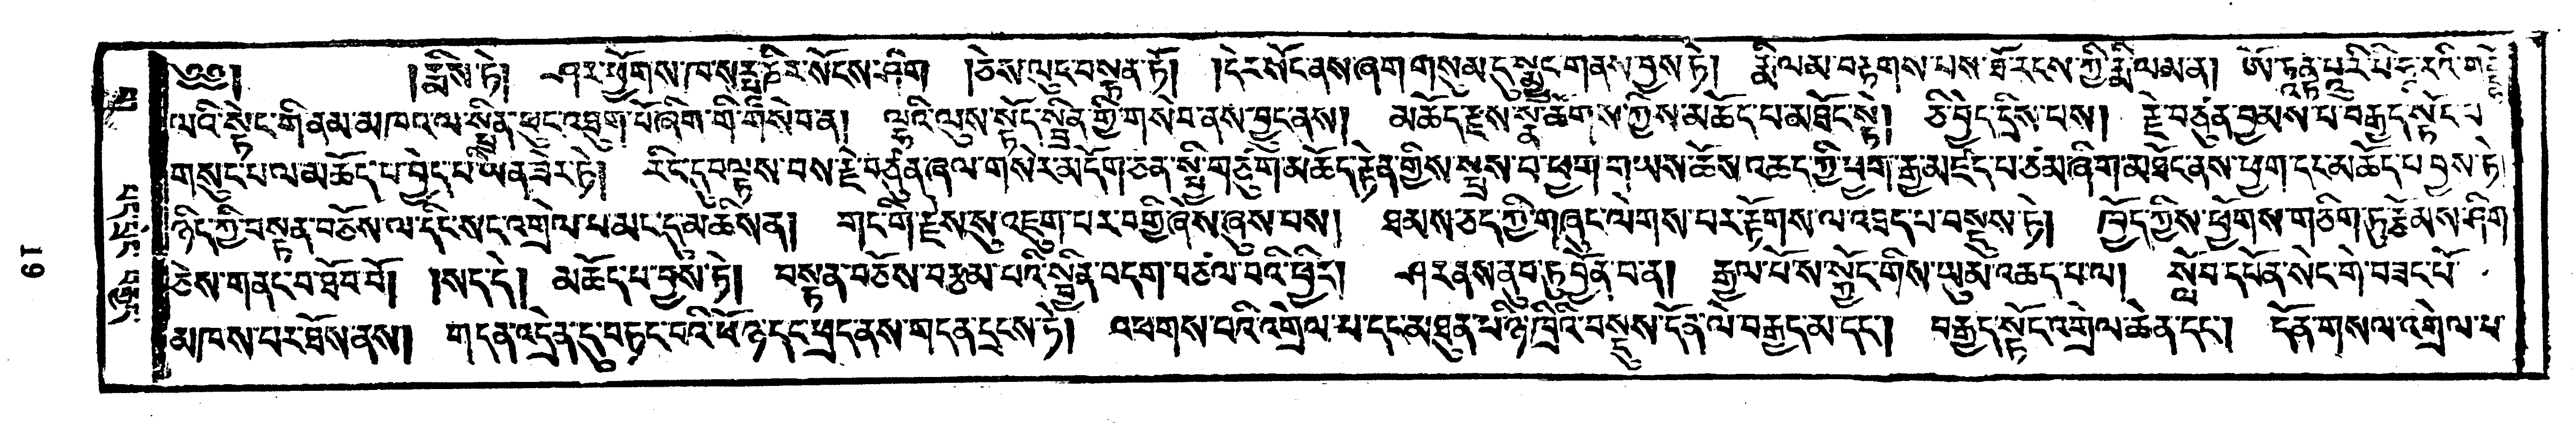༄༅། །རྨིས་ཏེ། ཤར་ཕྱོགས་ཁ་སརྤཱ་ཎིར་སོངས་ཤིག །ཅེས་ལུང་བསྟན་ཏོ། །དེར་སོང་ནས་ཞག་གསུམ་དུ་སྨྱུང་གནས་བྱས་ཏེ། རྨི་ལམ་བརྟགས་པས་ཐོ་རངས་ཀྱི་རྨི་ལམ་ན། ཨོ་ཏཱནྟ་པཱུ་རི་པི་ཧཱ་རའི་གནྡྷོ་
ལའི་སྟེང་གི་ནམ་མཁའ་ལ་སྤྲིན་ཕུང་འཐུག་པོ་ཞིག་གི་གསེབ་ན། ལྷའི་ལུས་སྟོད་སྦྲིན་གྱི་གསེབ་ནས་བྱུང་ནས། མཆོད་རྫས་སྣ་ཚོགས་ཀྱིས་མཆོད་པ་མཐོང་སྟེ། ཅི་བྱེད་དྲིས་པས། རྗེ་བཙུན་བྱམས་པ་བརྒྱད་སྟོང་པ་
གསུང་པ་ལ་མཆོད་པ་བྱེད་པ་ཡིན་ཟེར་ཏེ། རིང་དུ་བལྟས་བས་རྗེ་བཙུན་ཞལ་གསེར་མདོག་ཅན་སྤྱི་གཙུག་མཆོད་རྟེན་གྱིས་སྤྲས་པ་ཕྱག་གཡས་ཆོས་འཆད་ཀྱི་ཕྱག་རྒྱ་མཛད་པ་ཙམ་ཞིག་མཐོང་ནས་ཕྱག་དང་མཆོད་པ་བྱས་ཏེ།
ཉིད་ཀྱི་བསྟན་བཅོས་ལ་དིང་སང་འགྲེལ་པ་མང་དུ་མཆིས་ན། གང་གི་རྗེས་སུ་འཇུག་པར་བགྱི་ཞེས་ཞུས་པས། ཐམས་ཅད་ཀྱི་གཞུང་ལེགས་པར་རྟོགས་ལ་འཐད་པ་བསྡུས་ཏེ། ཁྱོད་ཀྱིས་ཕྱོགས་གཅིག་ཏུ་རྩོམས་ཤིག་
ཅེས་གནང་བ་ཐོབ་བོ། །སད་དེ། མཆོད་པ་བྱས་ཏེ། བསྟན་བཅོས་བརྩམ་པའི་སྦྱིན་བདག་བཙལ་བའི་ཕྱིར། ཤར་ནས་ནུབ་ཏུ་བྱོན་པ་ན། རྒྱལ་པོ་ས་སྐྱོང་གིས་ཡུམ་འཆད་པ་ལ། སློབ་དཔོན་སེང་གེ་བཟང་པོ་
མཁས་པར་ཐོས་ནས། གདན་འདྲེན་དུ་བཏང་བའི་ཕོ་ཉ་དང་ཕྲད་ནས་གདན་དྲངས་ཏེ། འཕགས་པའི་འགྲེལ་པ་དང་མཐུན་པ་ཉི་ཁྲིའི་བསྡུས་དོན་ལེ་བརྒྱད་མ་དང་། བརྒྱད་སྟོང་འགྲེལ་ཆེན་དང་། དོན་གསལ་འགྲེལ་པ་